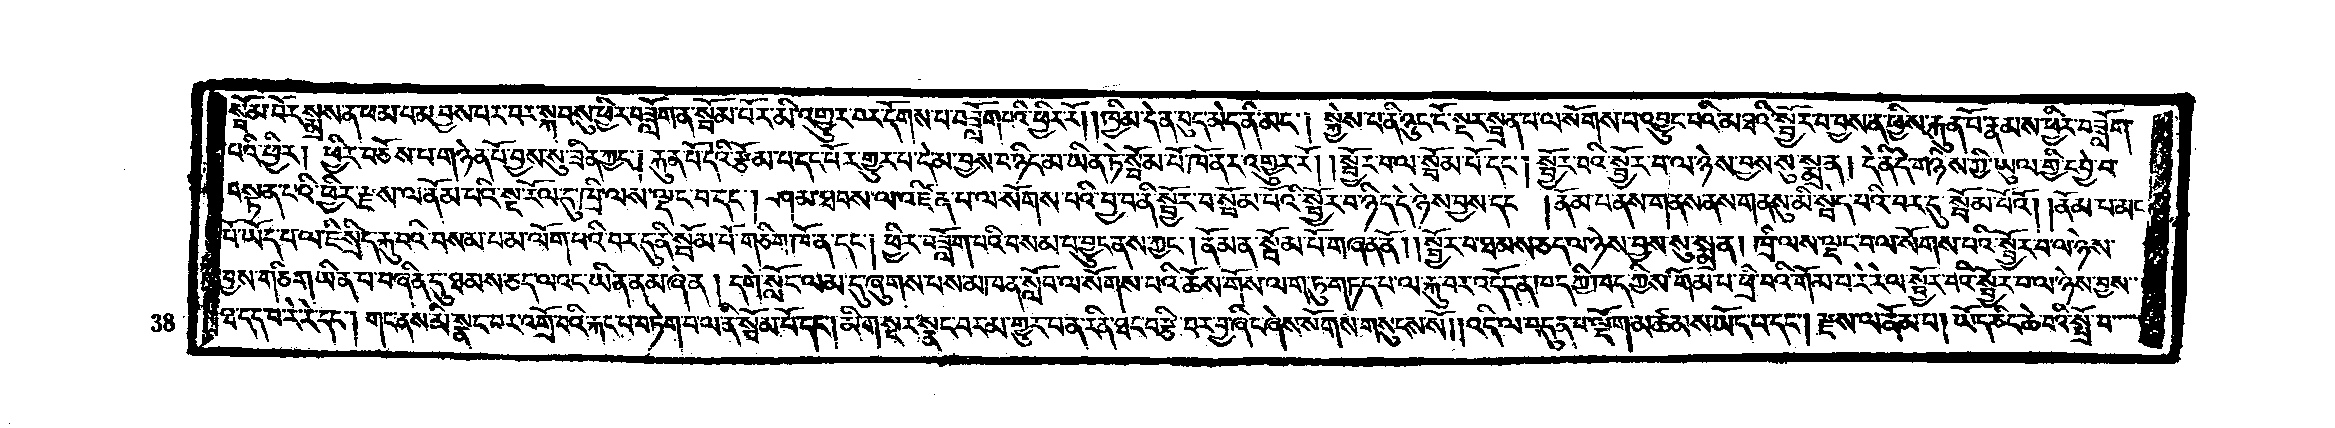སྦོམ་པོར་སྨྲས་ན་ཕམ་པ་མ་བྱས་པར་བར་སྐབས་སུ་ཕྱིར་བཟློག་ན་སྦོམ་པོར་མི་འགྱུར་བར་དོགས་པ་བཟློག་པའི་ཕྱིར་རོ། །ཁྱིམ་དེ་ན་བུད་མེད་ནི་མང་། སྐྱེས་པ་ནི་ཉུང་ངོ་སྔར་སྤྲན་པ་ལ་སོགས་པ་འབྱུང་བའི་མཐའི་སྦྱོར་བ་བྱས་ན་ཕྱིས་རྐུན་པོ་རྣམས་ཕྱིར་བཟློག་
པའི་ཕྱིར། ཕྱིར་བཅོས་པ་གཉེན་པོ་བྱས་སུ་ཟིན་ཀྱང་། རྐུན་པོ་དེའི་རྩོམ་པ་དང་པོར་གྱུར་པ་དེ་མ་བྱས་པ་ཉིད་མ་ཡིན་ཏེ་སྦོམ་པོ་ཁོ་ནར་འགྱུར་རོ། །སྦྱོར་བ་ལ་སྦོམ་པོ་དང་། སྦྱོར་བའི་སྦྱོར་བ་ལ་ཉེས་བྱས་སུ་སྨྲ་ན། དེ་ནི་དེ་གཉིས་ཀྱི་ཡུལ་གྱི་དབྱེ་བ་
བསྟན་པའི་ཕྱིར་རྫས་ལ་ནོམ་པའི་སྔ་རོལ་དུ་ཁྲི་ལས་ལྡང་བ་དང་། ཤམ་ཐབས་ལ་འཛིན་པ་ལ་སོགས་པའི་བྱ་བ་ནི་སྦྱོར་བ་སྦོམ་པོའི་སྦྱོར་བ་ཉིད་དེ་ཉེས་བྱས་དང་།ནོམ་པ་ནས་གནས་ནས་གནས་སུ་མི་སྦེད་པའི་བར་དུ་སྦོམ་པོའོ། །ནོམ་པ་མང་
པོ་ཡོད་པ་ལ་ཇི་སྲིད་རྐུ་བའི་བསམ་པ་མ་ལོག་པའི་བར་དུ་ནི་སྦོམ་པོ་གཅིག་ཁོ་ན་དང་། ཕྱིར་བཟློག་པའི་བསམ་པ་བྱུང་ནས་ཀྱང་། ནོམ་ན་སྦོམ་པོ་གཞན་ནོ། །སྦྱོར་བ་ཐམས་ཅད་ལ་ཉེས་བྱས་སུ་སྨྲ་ན། ཁྲི་ལས་ལྡང་བལ་སོགས་པའི་སྦྱོར་བ་ལ་ཉེས་
བྱས་གཅིག་ཡིན་པ་བཞིན་དུ་ཐམས་ཅད་ལའང་ཡིན་ནམ་ཞེ་ན། དགེ་སློང་ལམ་དུ་ཞུགས་པས་མཁན་སློབ་ལ་སོགས་པའི་ཆོས་གོས་ལག་ཏུ་གཏད་པ་ལ་རྐུ་བར་འདོད་ན་ཁད་ཀྱི་ཁད་ཀྱིས་གོམ་པ་ཕྲི་བའི་གོམ་པ་རེ་རེ་ལ་སྦྱོར་བའི་སྦྱོར་བ་ལ་ཉེས་བྱས་
པ་དད་པ་རེ་རེ་དང་། གང་ནས་མི་སྣང་བར་འགྲོ་བའི་རྐང་པ་བཏེག་པ་ལ་ནི་སྦོམ་པོ་དང་། མིག་སྔར་སྣང་བར་མ་གྱུར་པ་ན་རིན་ཐང་བརྩི་བར་བྱ་ཞིང་ཞས་སོགས་གསུངས་སོ། །འདི་ལ་བདུན་པ་ལྡོག་མཚམས་ཡོད་པ་དང་། རྫས་ལ་ནོམ་པ། ཡོད་ཅིང་ཆེ་བའི་སྤྲོ་བ་